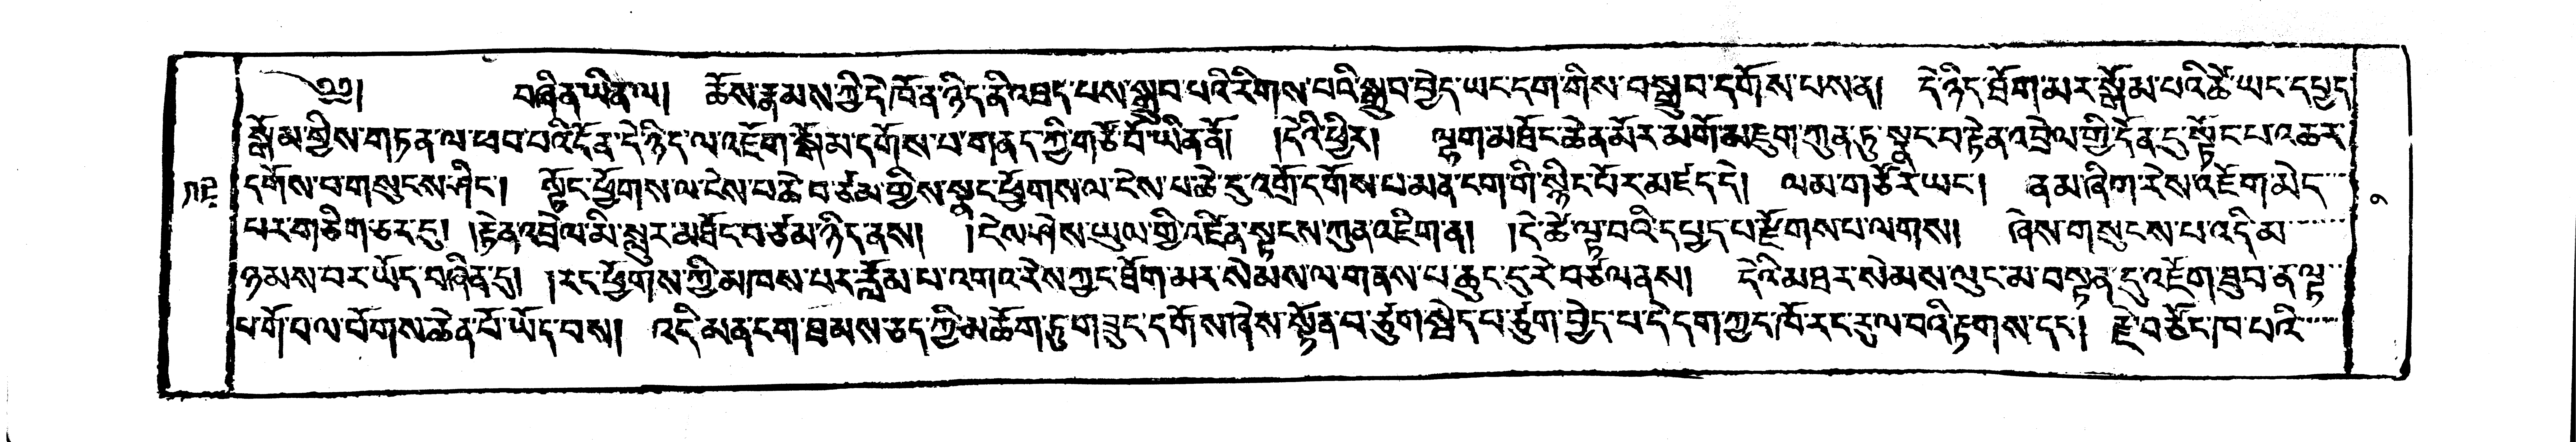༄༅། །བཞིན་ཡིན་ལ། ཆོས་རྣམས་ཀྱི་དེ་ཁོ་ན་ཉིད་ནི་འཐད་པས་སྒྲུབ་པའི་རིགས་པའི་སྒྲུབ་བྱེད་ཡང་དག་གིས་བསྒྲུབ་དགོས་པས་ན། དེ་ཉིད་ཐོག་མར་སྒོམ་པའི་ཚེ་ཡང་དཔྱད་
སྒོམ་གྱིས་གཏན་ལ་ཕབ་པའི་དོན་དེ་ཉིད་ལ་འཇོག་སྒོམ་དགོས་པ་གནད་ཀྱི་གཙོ་བོ་ཡིན་ནོ། །དེའི་ཕྱིར། ལྷག་མཐོང་ཆེན་མོར་མགོ་མཇུག་ཀུན་ཏུ་སྣང་བ་རྟེན་འབྲེལ་གྱི་དོན་དུ་སྟོང་པ་འཆར་
དགོས་པ་གསུངས་ཤིང་། སྟོང་ཕྱོགས་ལ་ངེས་པ་ཆེ་བ་ཙམ་གྱིས་སྣང་ཕྱོགས་ལ་ངེས་པ་ཆེ་དུ་འགྲོ་དགོས་པ་མན་ངག་གི་སྙིང་པོར་མཛད་དེ། ལམ་གཙོར་ཡང་། ནམ་ཞིག་རེས་འཇོག་མེད་
པར་གཅིག་ཅར་དུ། །རྟེན་འབྲེལ་མི་སླུར་མཐོང་བ་ཙམ་ཉིད་ནས། །ངེས་ཤེས་ཡུལ་གྱི་འཛིན་སྟངས་ཀུན་འཇིག་ན། །དེ་ཚེ་ལྟ་བའི་དཔྱད་པ་རྫོགས་པ་ལགས། ཞེས་གསུངས་པ་འདི་མ་
ཉམས་པར་ཡོད་བཞིན་དུ། །རང་ཕྱོགས་ཀྱི་མཁས་པར་རློམ་པ་འགའ་རེས་ཀྱང་ཐོག་མར་སེམས་ལ་གནས་པ་ཆུང་དུ་རེ་བཙལ་ནས། དེའི་མཐར་སེམས་ལུང་མ་བསྟན་དུ་འཇོག་ཐུབ་ན་ལྟ་
པ་གོ་བ་ལ་བོགས་ཆེན་པོ་ཡོད་པས། འདི་མན་ངག་ཐམས་ཅད་ཀྱི་མཆོག་ཏུ་གཟུང་དགོས་ཞེས་སྟོན་པ་ཙུག་སྦེད་པ་ཙུག་བྱེད་པ་དེ་དག་ཀྱང་ཁོ་རང་རུལ་བའི་རྟགས་དང་། རྗེ་བཙོང་ཁ་པའི་